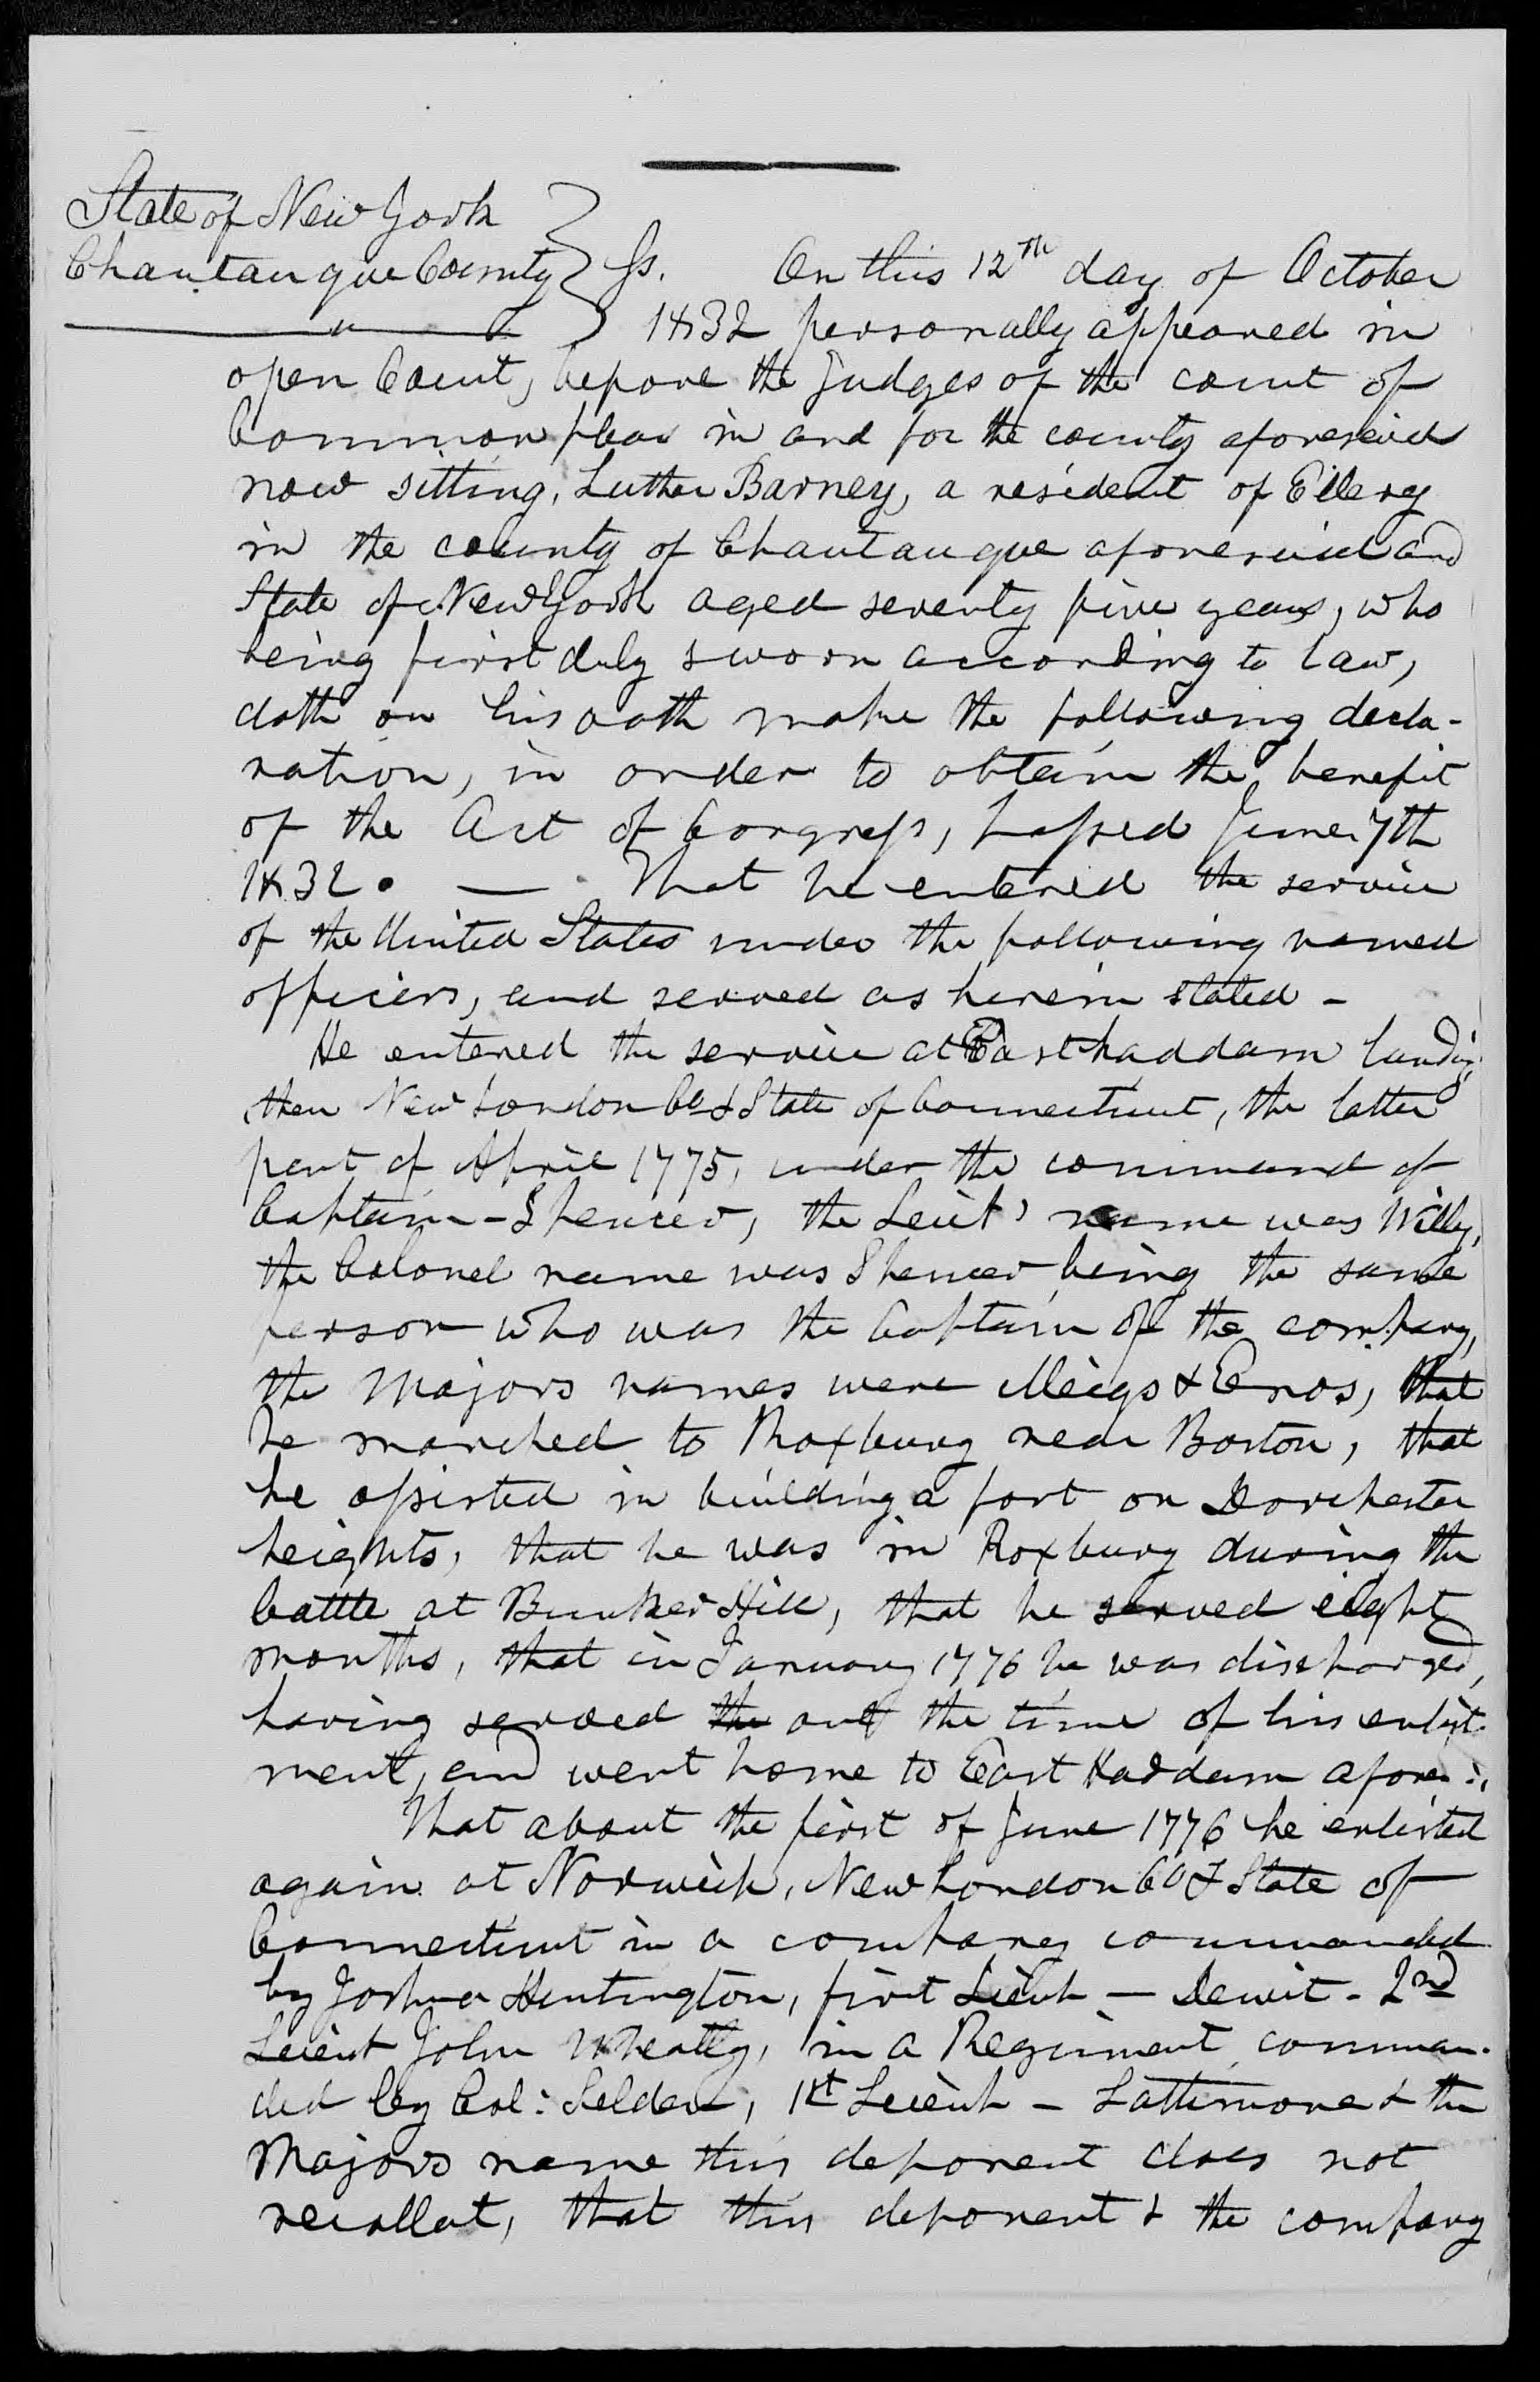State of New York
Chautauqua County [illegible]
On this 12th day of October
1832 personally appeared in 
open Court, before the judges of the court of
Common pleas in and for the county aforesaid
now sitting, Luther Barney, a resident of Ellery
in the county of Chautauqua aforesaid and State of New York aged seventy five years, who
being first duly sworn according to law,
doth on his oath make the following declaration,
in order to obtain the benefit of the Act of Congress, passed June 7th
1832.  That he entered the service 
of the United States under the following named
officers, and served as herein stated 
He entered the service at East Haddam Landing
then New London [illegible] State of Connecticut, the latter
part of April 1775, under the command of 
Captain Spencer, the Lieut name was Willy,
the Colonel name was Spencer being the same
person who was the Captain of the company,
the Majors names were Meigs & Enos, that
he marched to Roxbury near Boston, that
he assisted in building a fort on Dorchester Heights, that he was Roxbury during the battle at Bunker Hill, that he served eight months, that in January 1776 he was discharged, having served out the time of his eight months, and went home to East Haddam afore
That about the first of June 1776 he enlisted again at Norwich, New London [illegible] State of Connecticut in a company commanded by Joshua Huntington, first Lieut [illegible] 2nd
Lieut John Wheatly, in a Regiment commanded by Col Selden, 1st Lieut Lattimore & the Majors name this deponent does not recollect, that this deponent & the company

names: Selden, Spencer, Meigs, Lattimore, Luther Barney, Enos, Willy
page: 4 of 61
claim: widow's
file: W. 4.124, Luther Barney, Conn. Privateer.